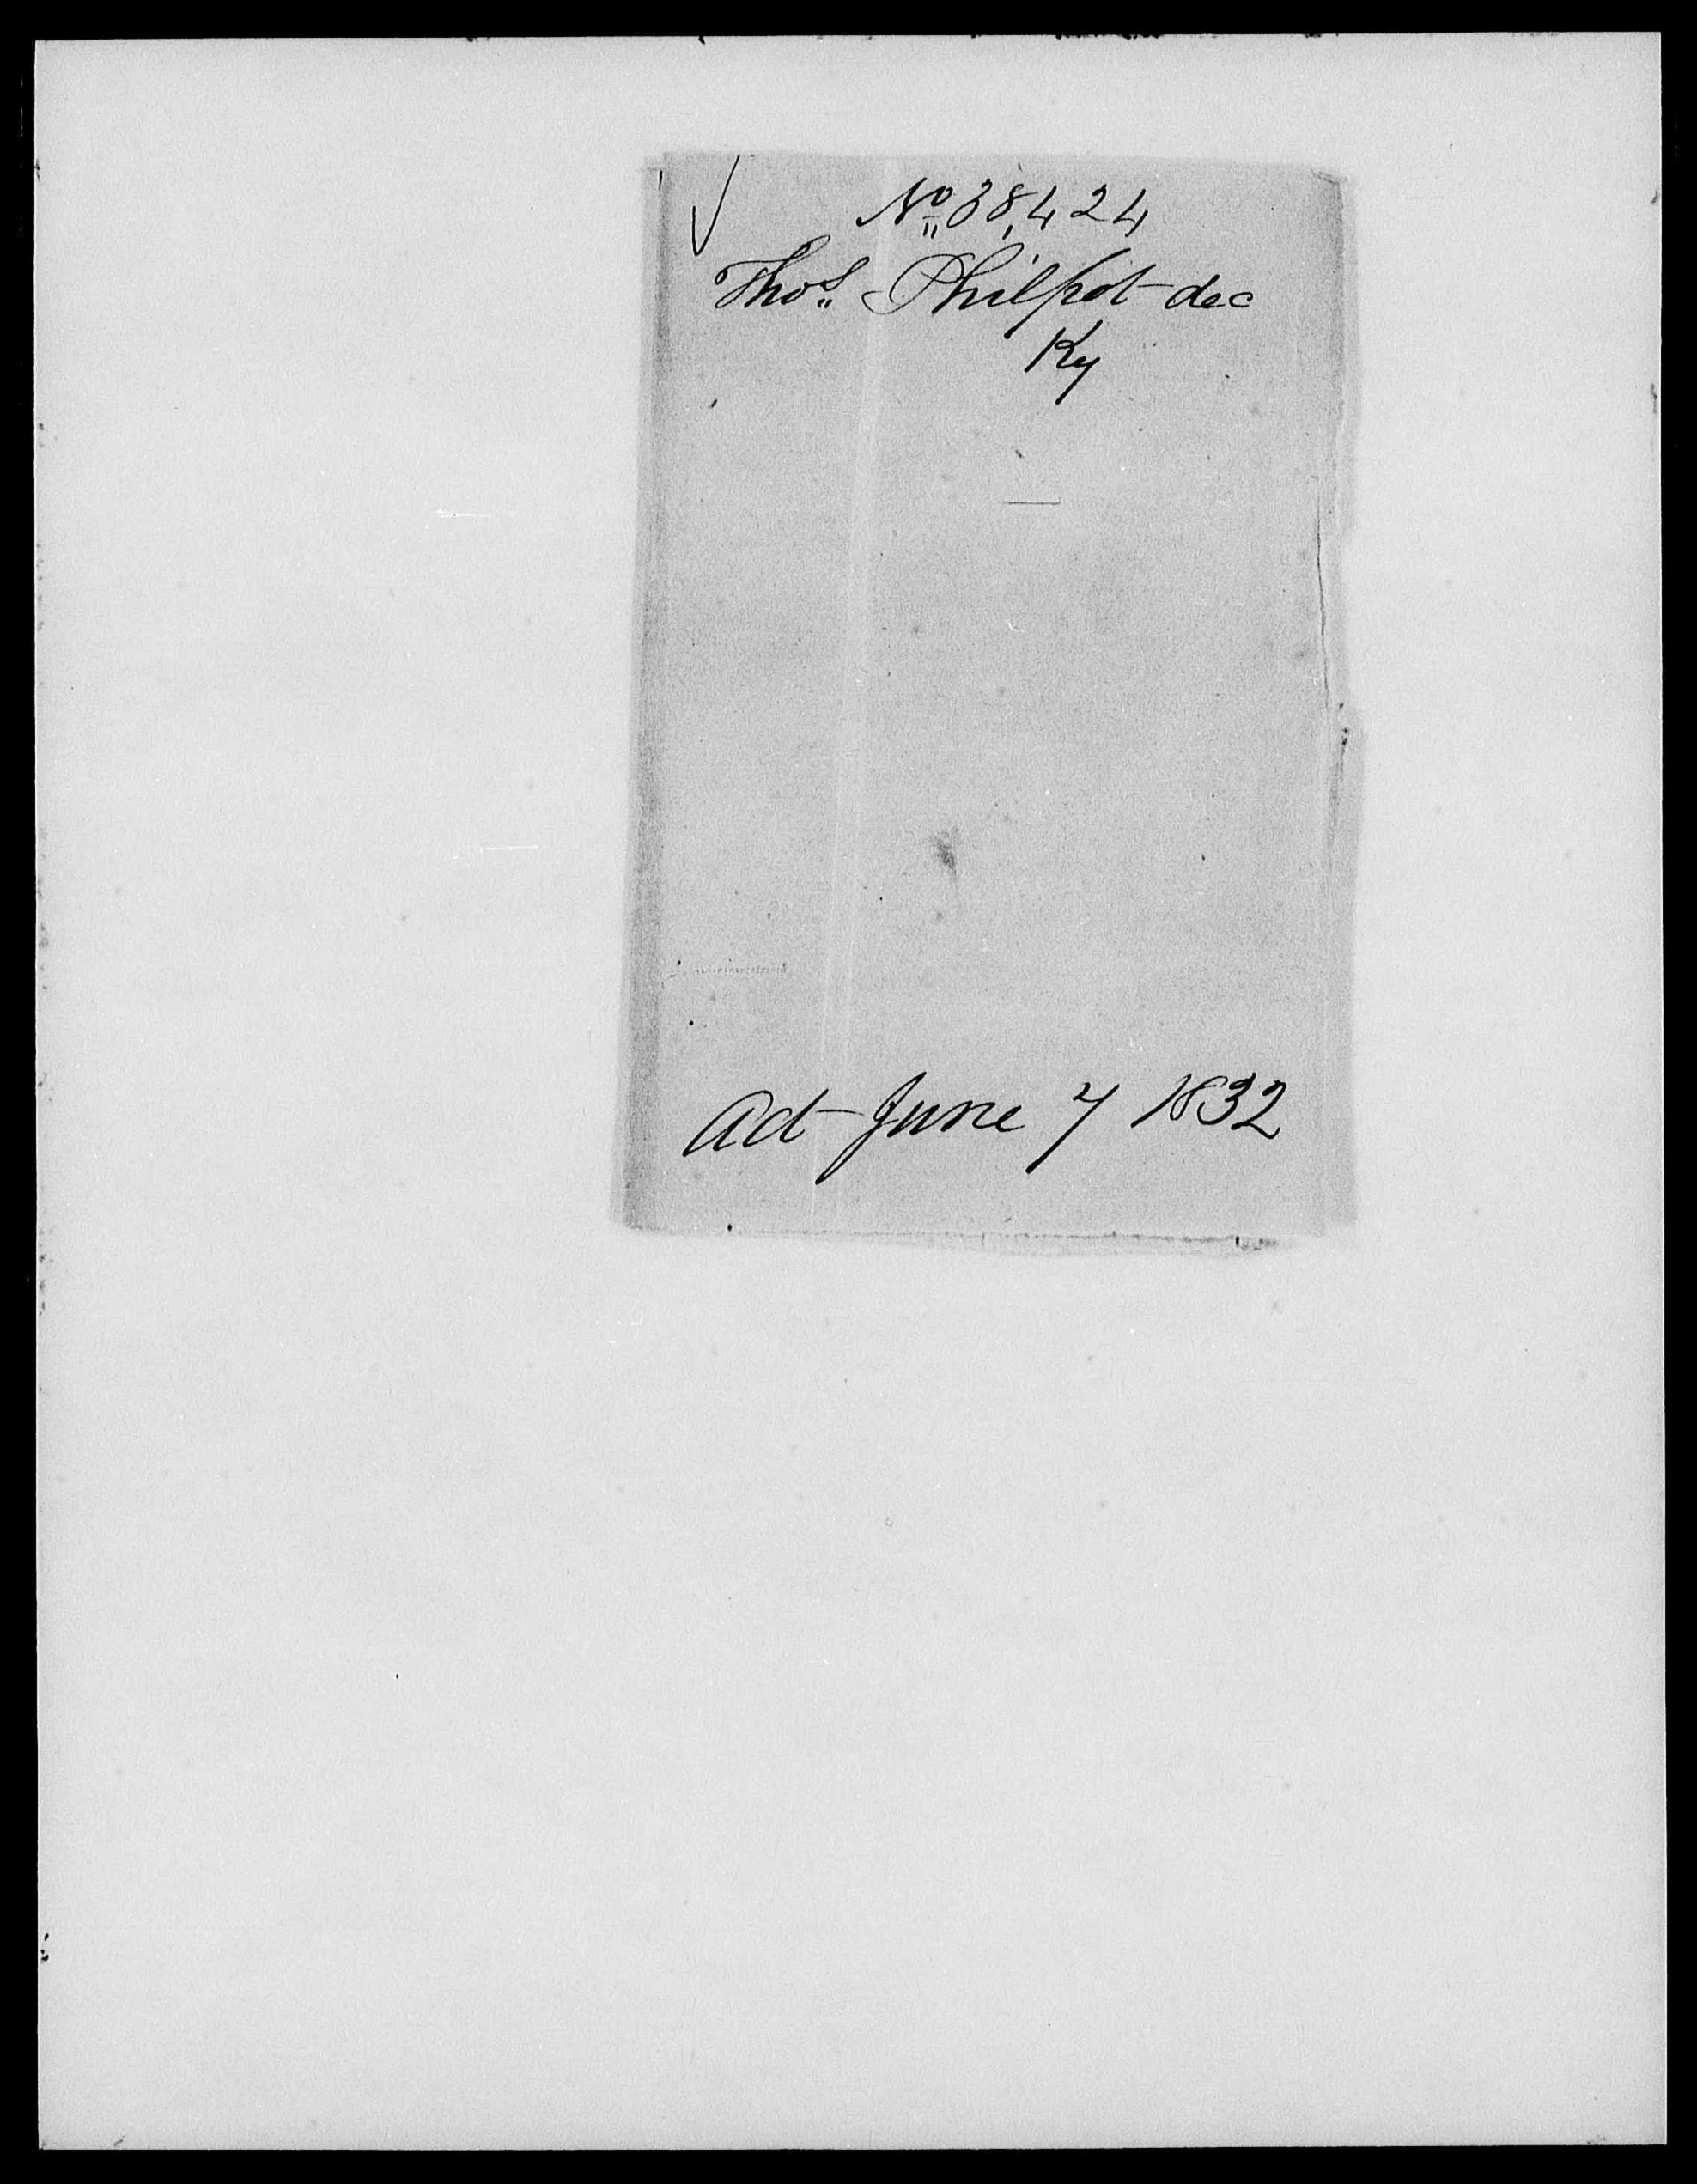No 38,424
Thos Philpot decd Ky
act June 7 1832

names: Thos Philpot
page: 12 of 43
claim: rejected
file: R. 8217, for Thomas Philpot, South Carolina